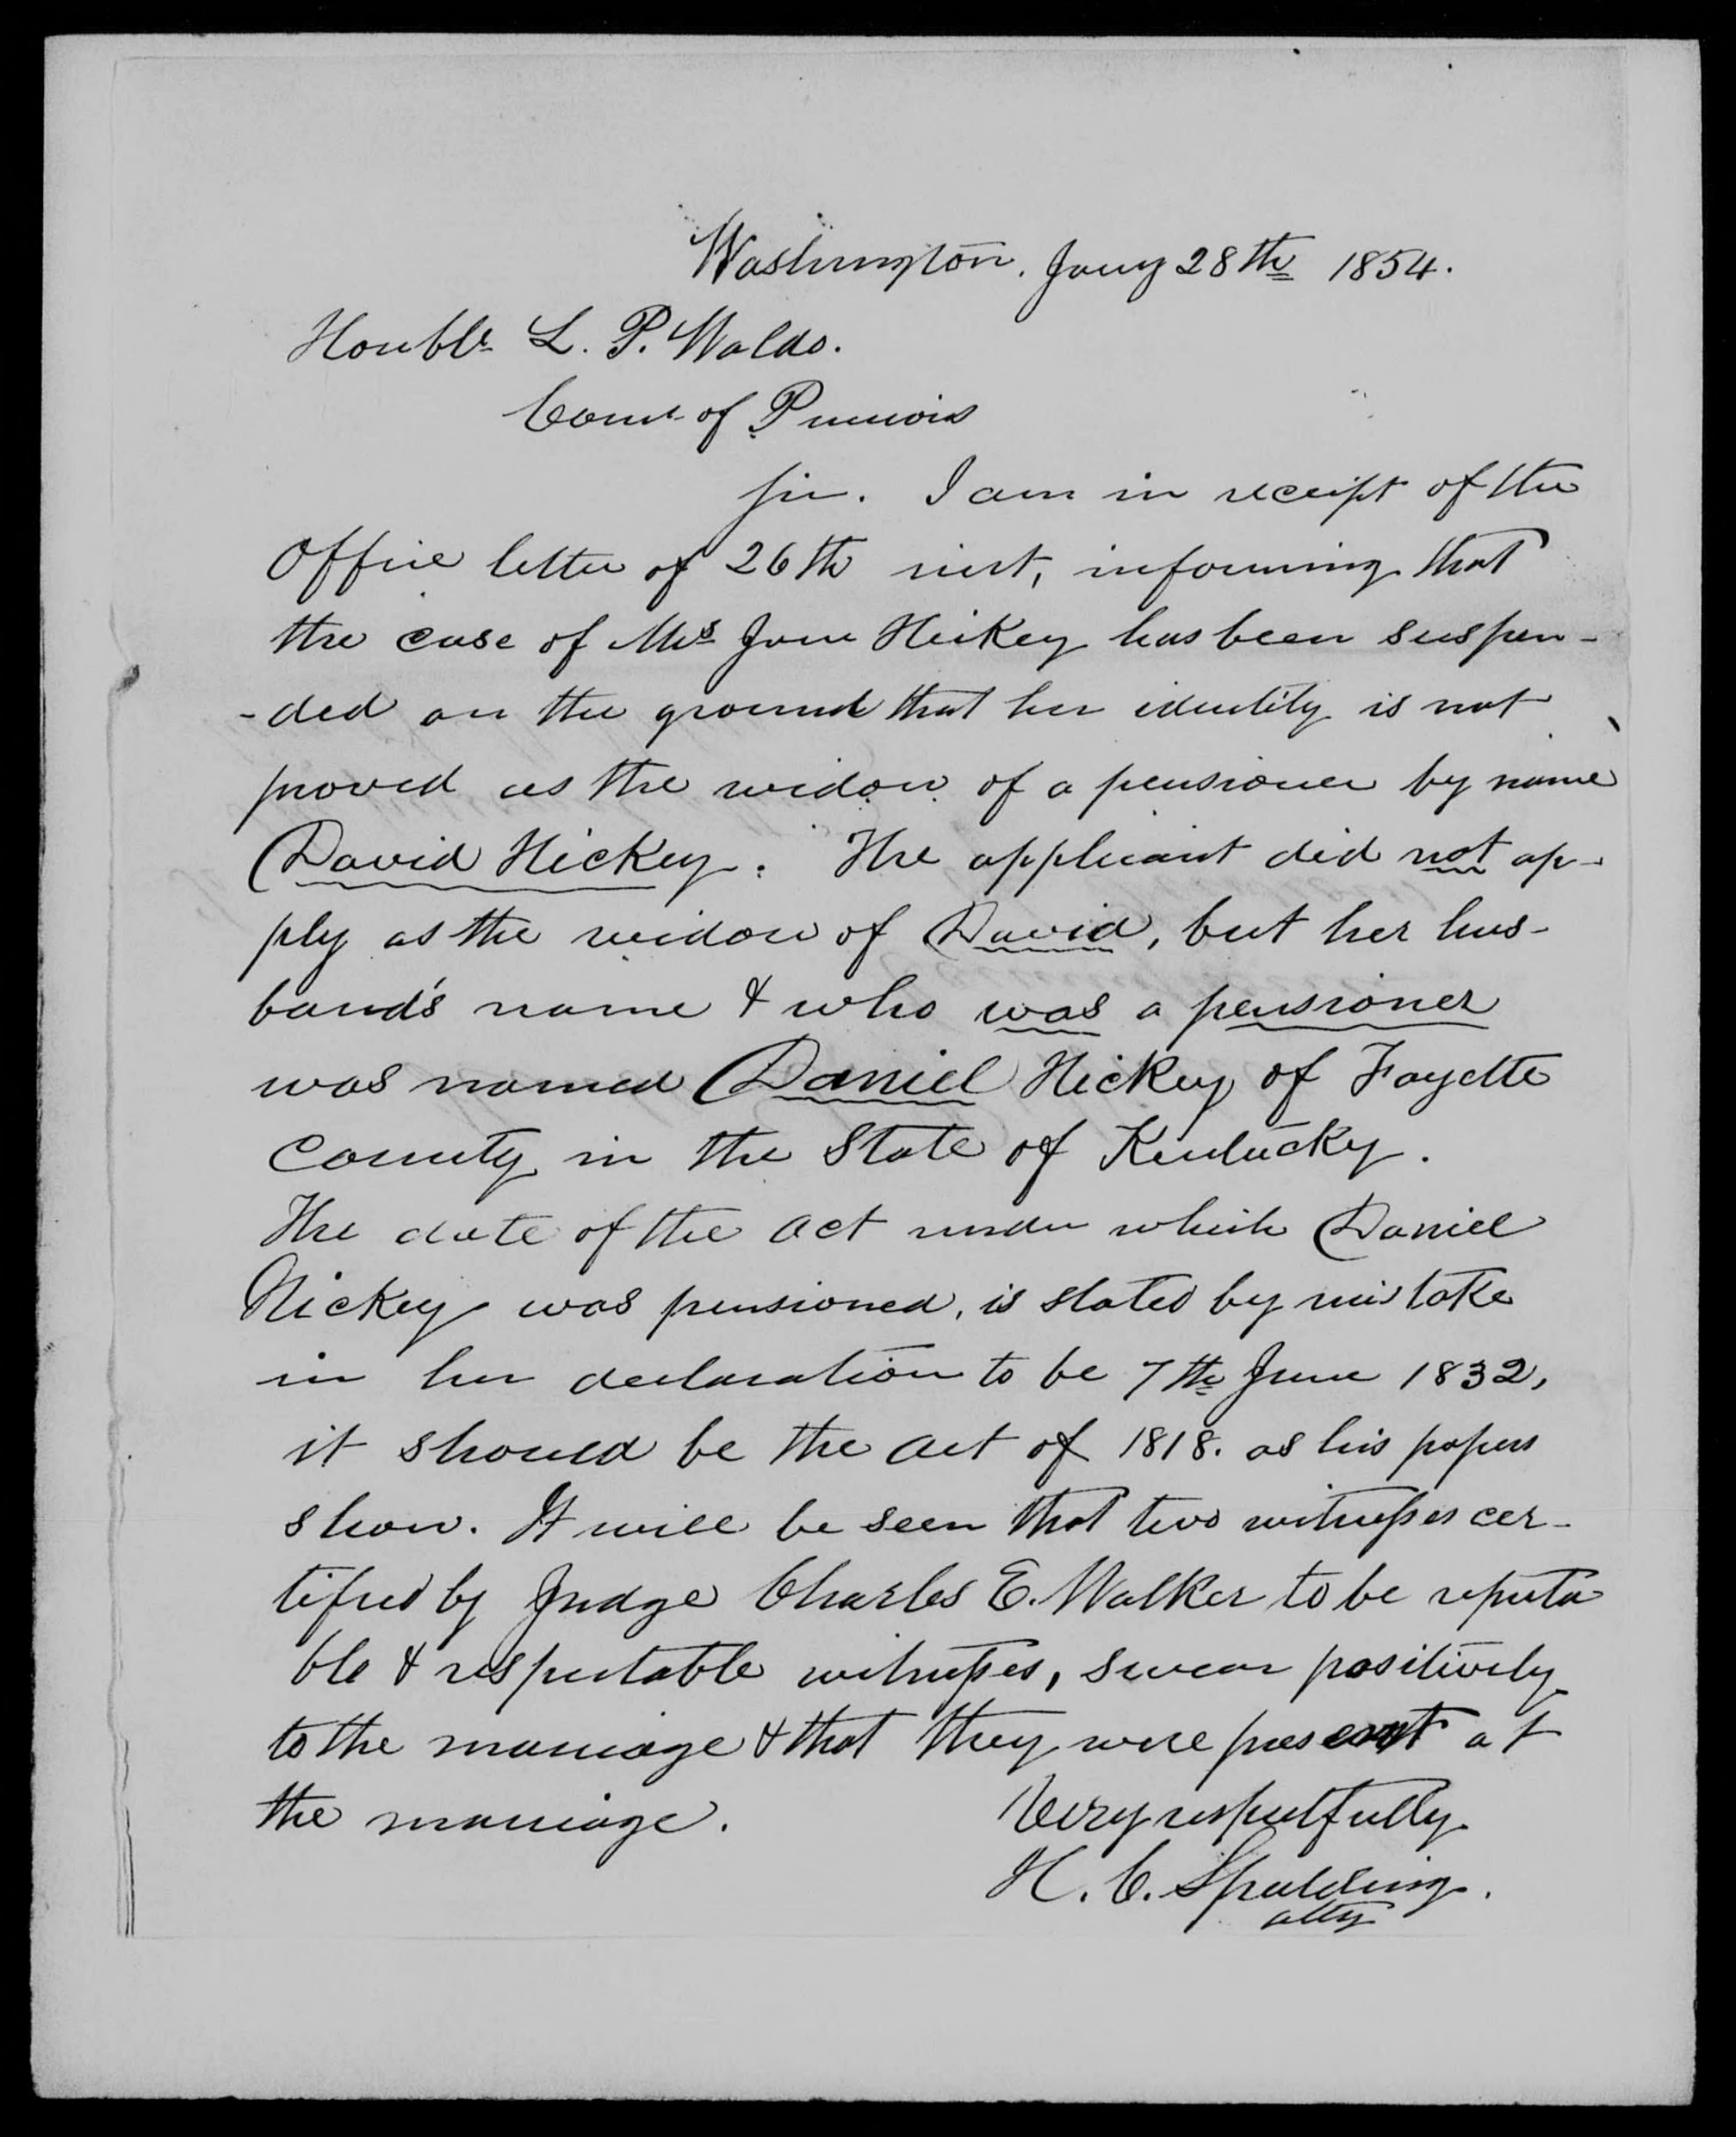Washington Jany 28th 1854
Honble L. P. Waldo
Comm of Pensions
Sir:
I am in receipt of the
Office letter of 26th inst, informing that the
case of Mrs Jane Hickey has been suspended on the ground that her identity is not
proved as the widow of a pensioner by name
David Hickey. The applicant did not apply as the widow of David, but her husband's name & who was a pensioner was named Daniel Hickey of Fayette County in the State of Kentucky
The date of the act under which Daniel
Nickey was pensioned, as stated by mistake
in her declaration to be 7th June 1832,
it should be the act of 1818, as his papers
show. It will be seen that two witnesses certified by Judge Charles E. Walker to be respectable & respectable witnesses, swear positively to the marriage & that they were present at the marriage.
Very respectfully
H. C. Spalding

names: H C Spalding, David, Charles E Walker, Jane Hickey, L P Waldo, Daniel Hickey, Hickey, Daniel Hickey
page: 70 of 84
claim: widow's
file: W. 7744, Daniel Hickey, Penn.